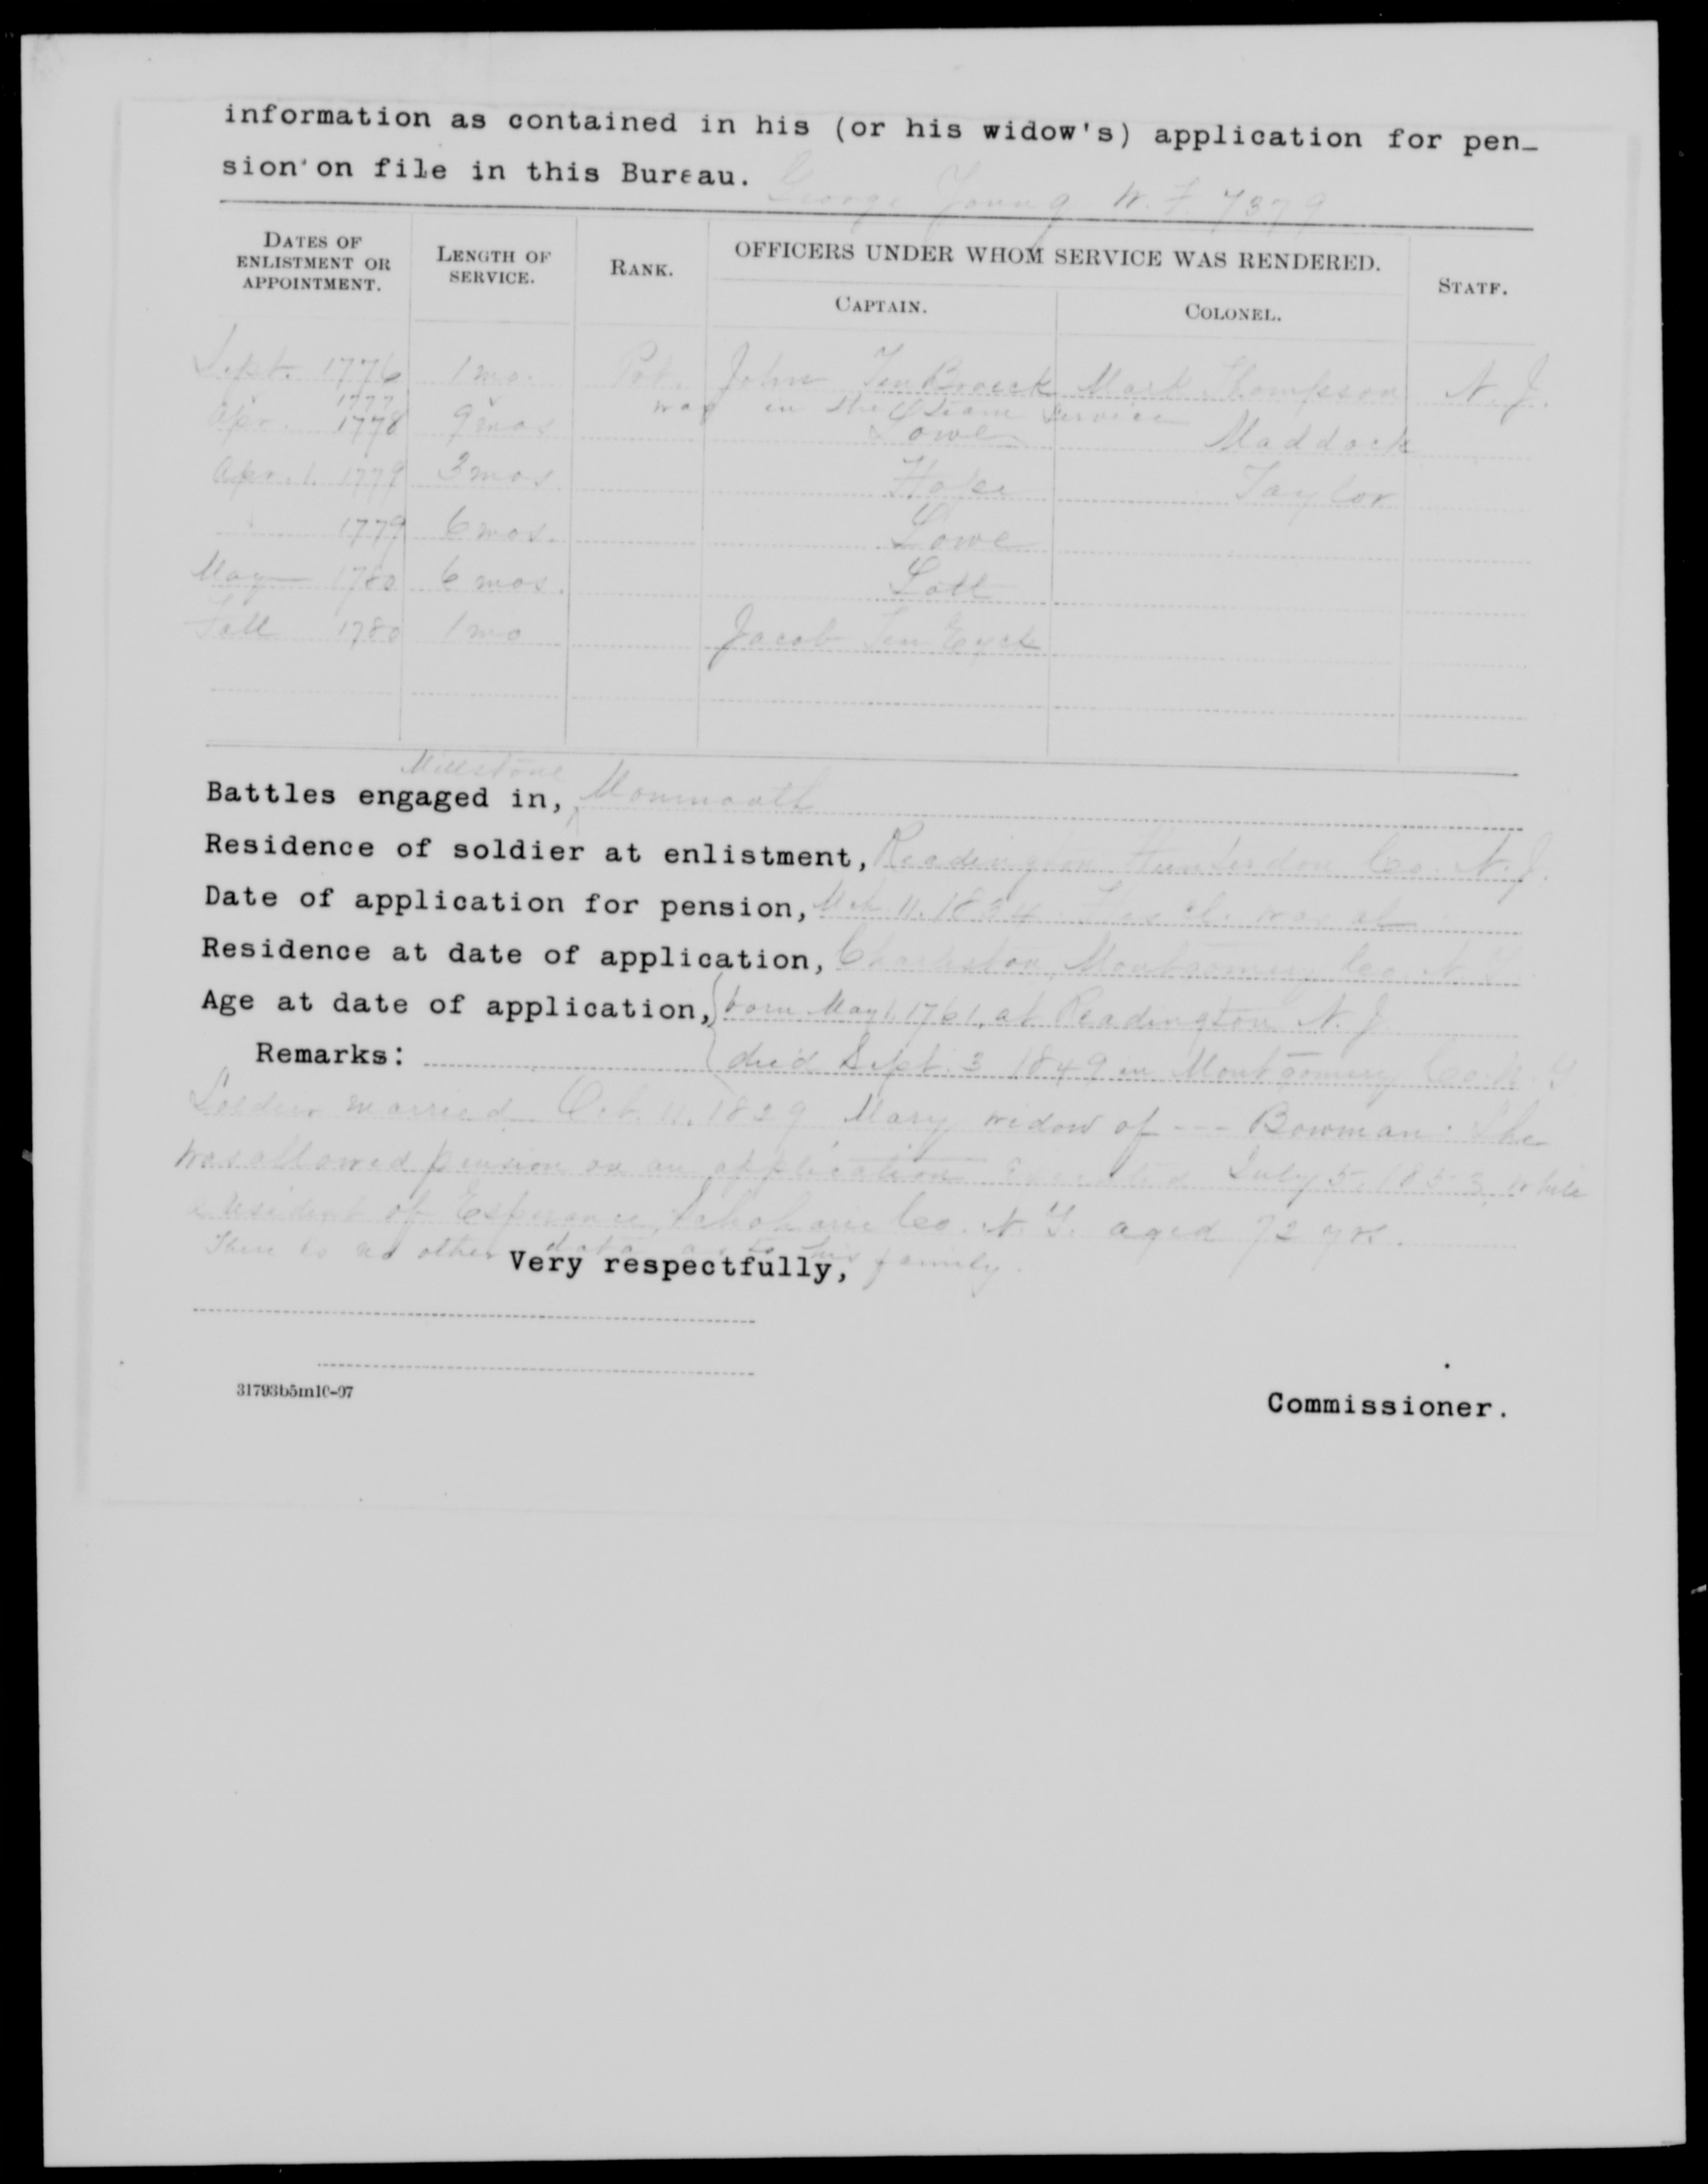information as contained in his (or his widow's) application for pension
on file in this Bureau.
DATES OF
ENLISTMENT OR
APPOINTMENT.
Sept. 1776
as
178
Apl 1772
LENGTH OF
SERVICE.
in
ginas
Amos
1779 Emos.
May 17
Amos
Fall 1780
Miller
RANK.
toong

Foy
OFFICERS UNDER WHOM SERVICE WAS RENDERED.
CAPTAIN.
John Van Brouck
in the fam
COLONEL.
one
Hale
Lott
Jacob Van Geyck
-
Monmouth
-
Mark Compson
Maddock
Taylor
STATE.
N J
Battles engaged in,
Residence of soldier at enlistment, Readington, Hunterdon County NJ
Date of application for pension, he
Residence at date of application, as
to
Age at date of application, born May 1761 at Readington N.J.
Remarks:
died Sept 3 1849 in Montgomery
Golden Married A.D. 1829 Mary widow of-- Bowman. he
was allowed pension or an application July 5, 1850 while
resident of Esperance, Canojarharie Co NY. aged 82 yrs
in othe very respectfully,
317936510 - 07
Commissioner.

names: Jacob Ten Broeck, John Ten Broeck, Bowman, , George Young, Maddock, Hope, Sott, Mary, Lowe, Mack Thompson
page: 32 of 67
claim: widow's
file: W. 7379, George Young, New Jersey